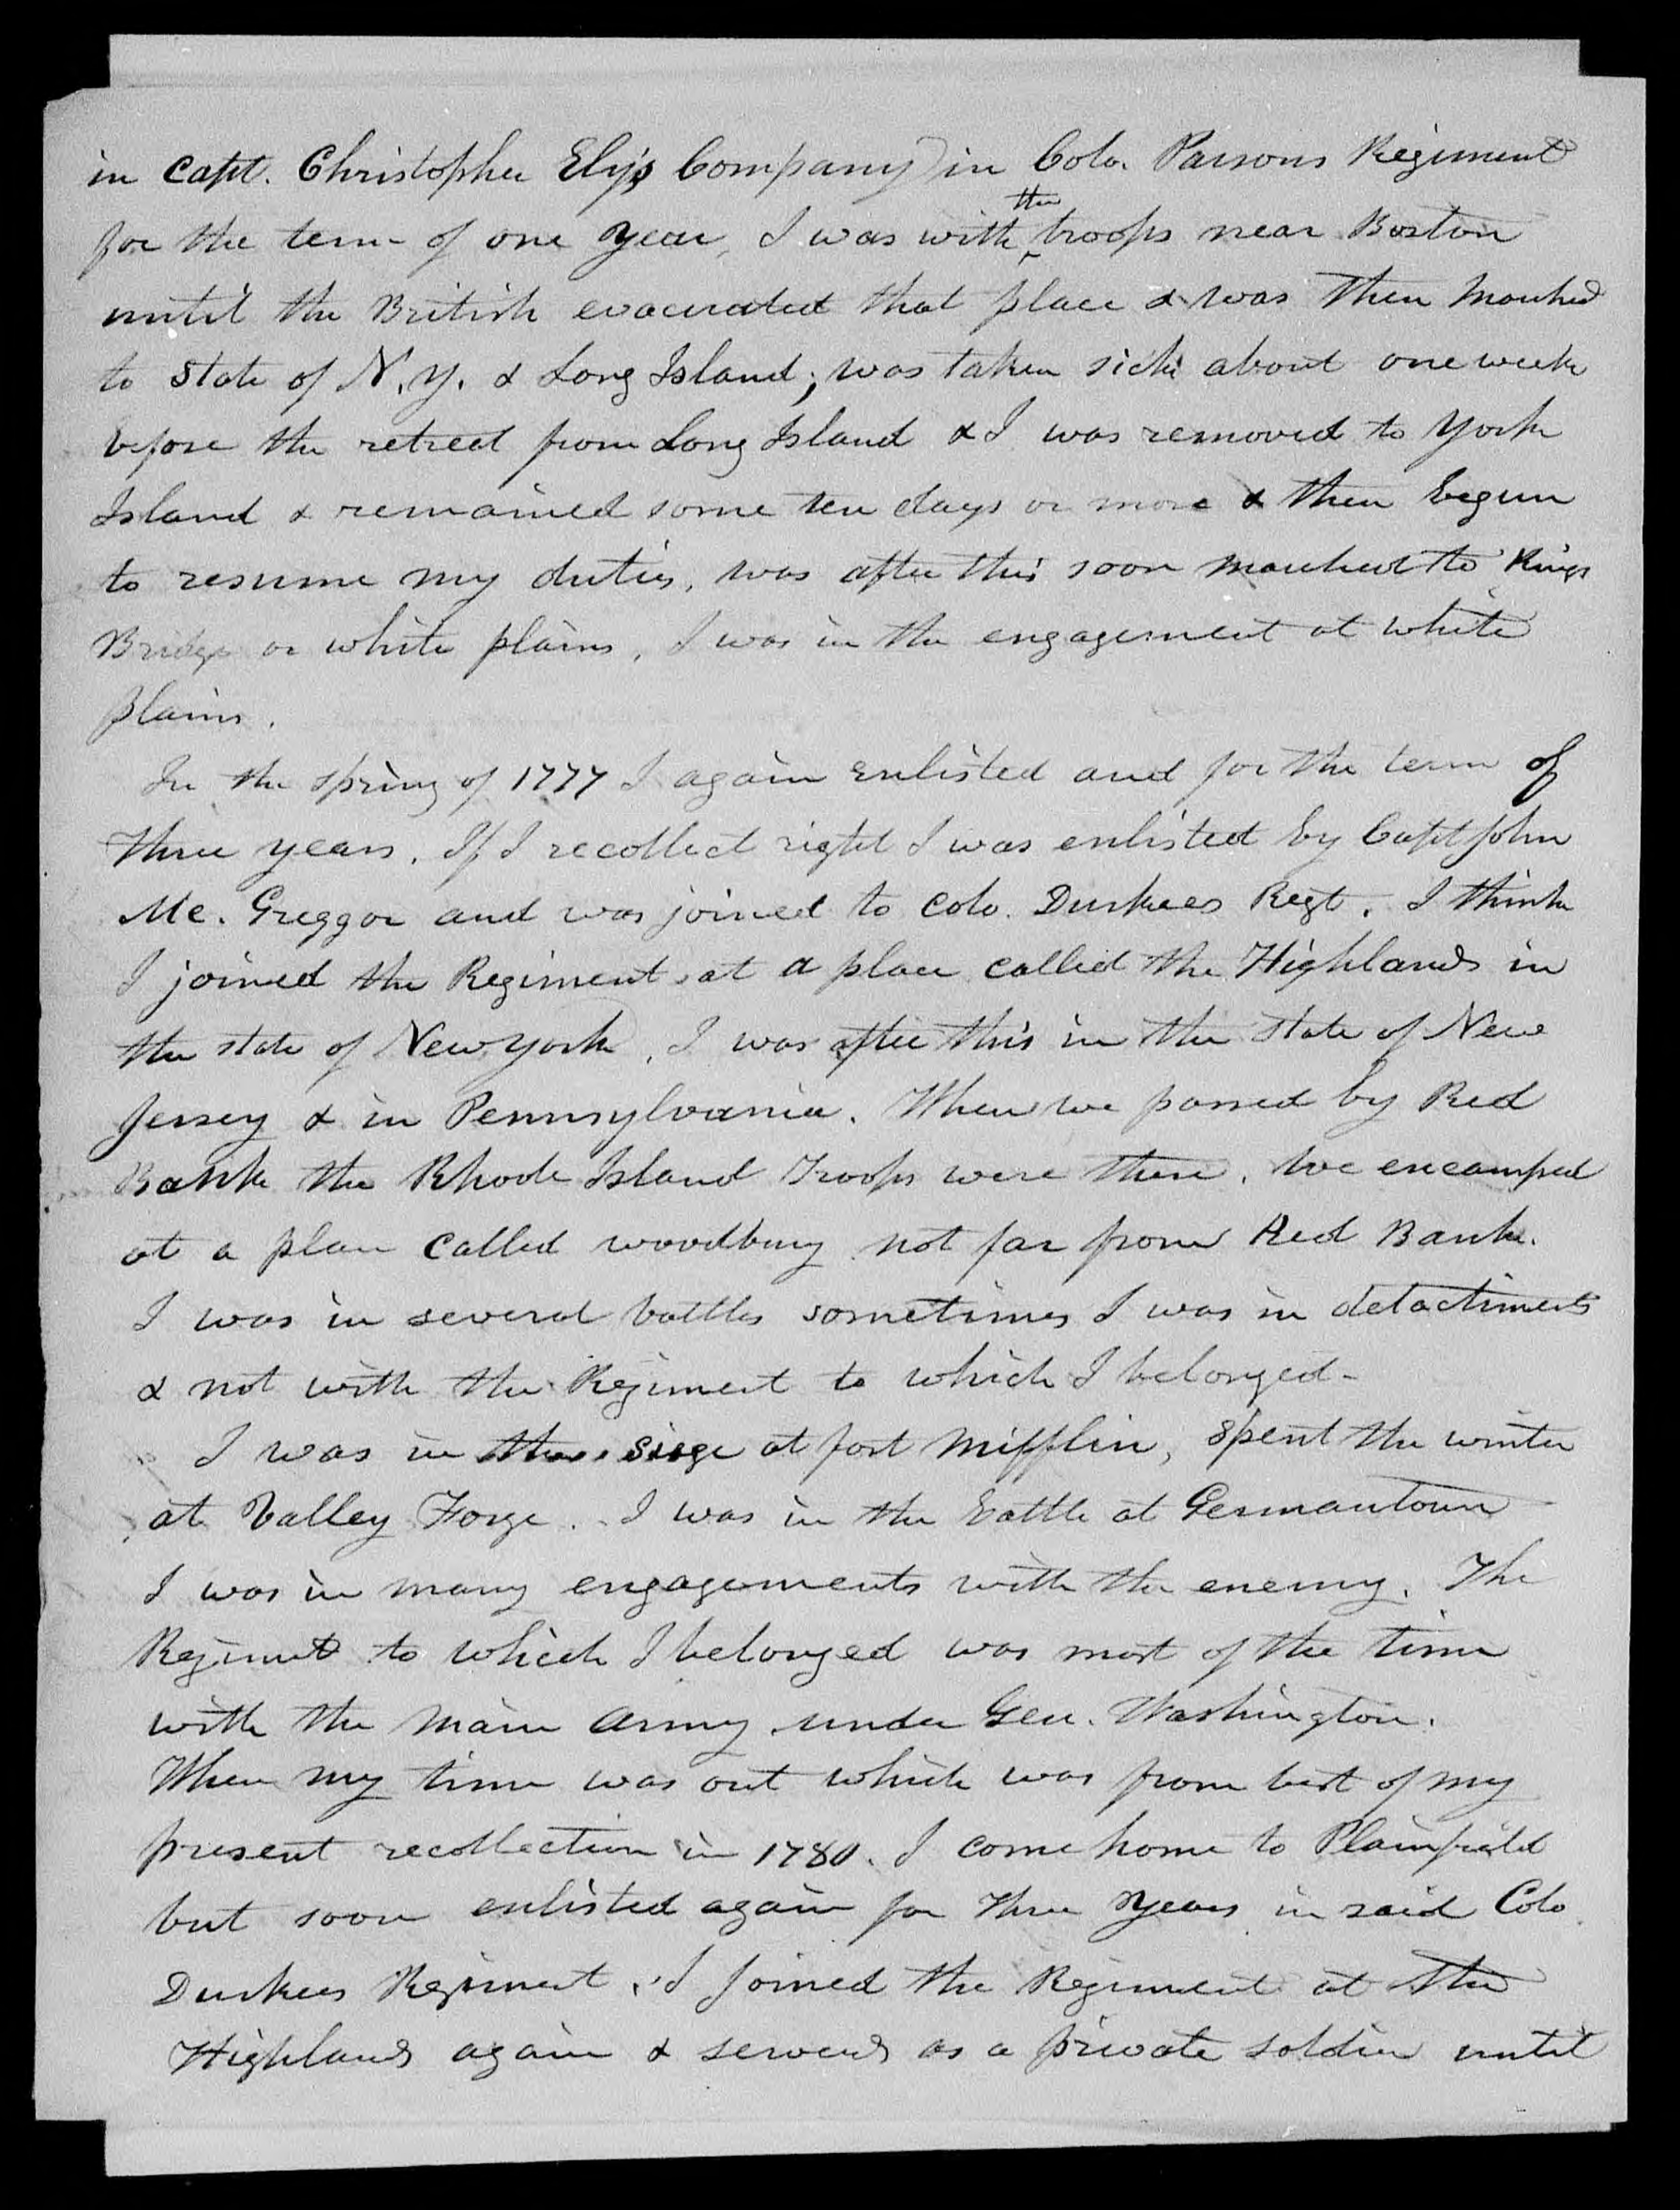in Capt Christopher Ely's Company in Colo Parsons Regiment for the term of one year, I was with the troops near Boston until the British evacuated that place and was then moved to State of N.Y. & Long Island, was taken sick about one week before the retreat from Long Island & I was removed to York Island & remained some ten days or more then began to resume my duties was after this soon marched to Kings Bridge or White Plains. I was in the engagement at White Plains. 
In the spring of 1777 I again enlisted and for the term of three years. If I recollect right, I was enlisted by Capt John McGreggor and was joined to Colo Durkee's Regt. I think I joined the Regiment at a place called the Highlands in the state of New York. I was after this in the State of New Jersey & in Pennsylvania. When we passed by Red Bank the Rhode Island Troops were there; we encamped at a place called Woodbury, not far from Red Bank. I was in several battles. Sometimes I was in detachments & not with the Regiment to which I belonged. 
I was in the siege at Fort Mifflin; spent the winter at Valley Forge. I was in the battle at Germantown. I was in many engagements with the enemy. The Regiments to which I belonged was most of the time with the main army under Gen. Washington. When my time was out which was from (best of my present recollection) in 1780. I came home to Plainfield but soon enlisted again for three years in said Colo Durkees Regiment. I joined the Regiment at the Highlands again & served as a private soldier until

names: Washington, John Mc Greggor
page: 18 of 40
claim: rejected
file: R. 4251, John Green, Conn.